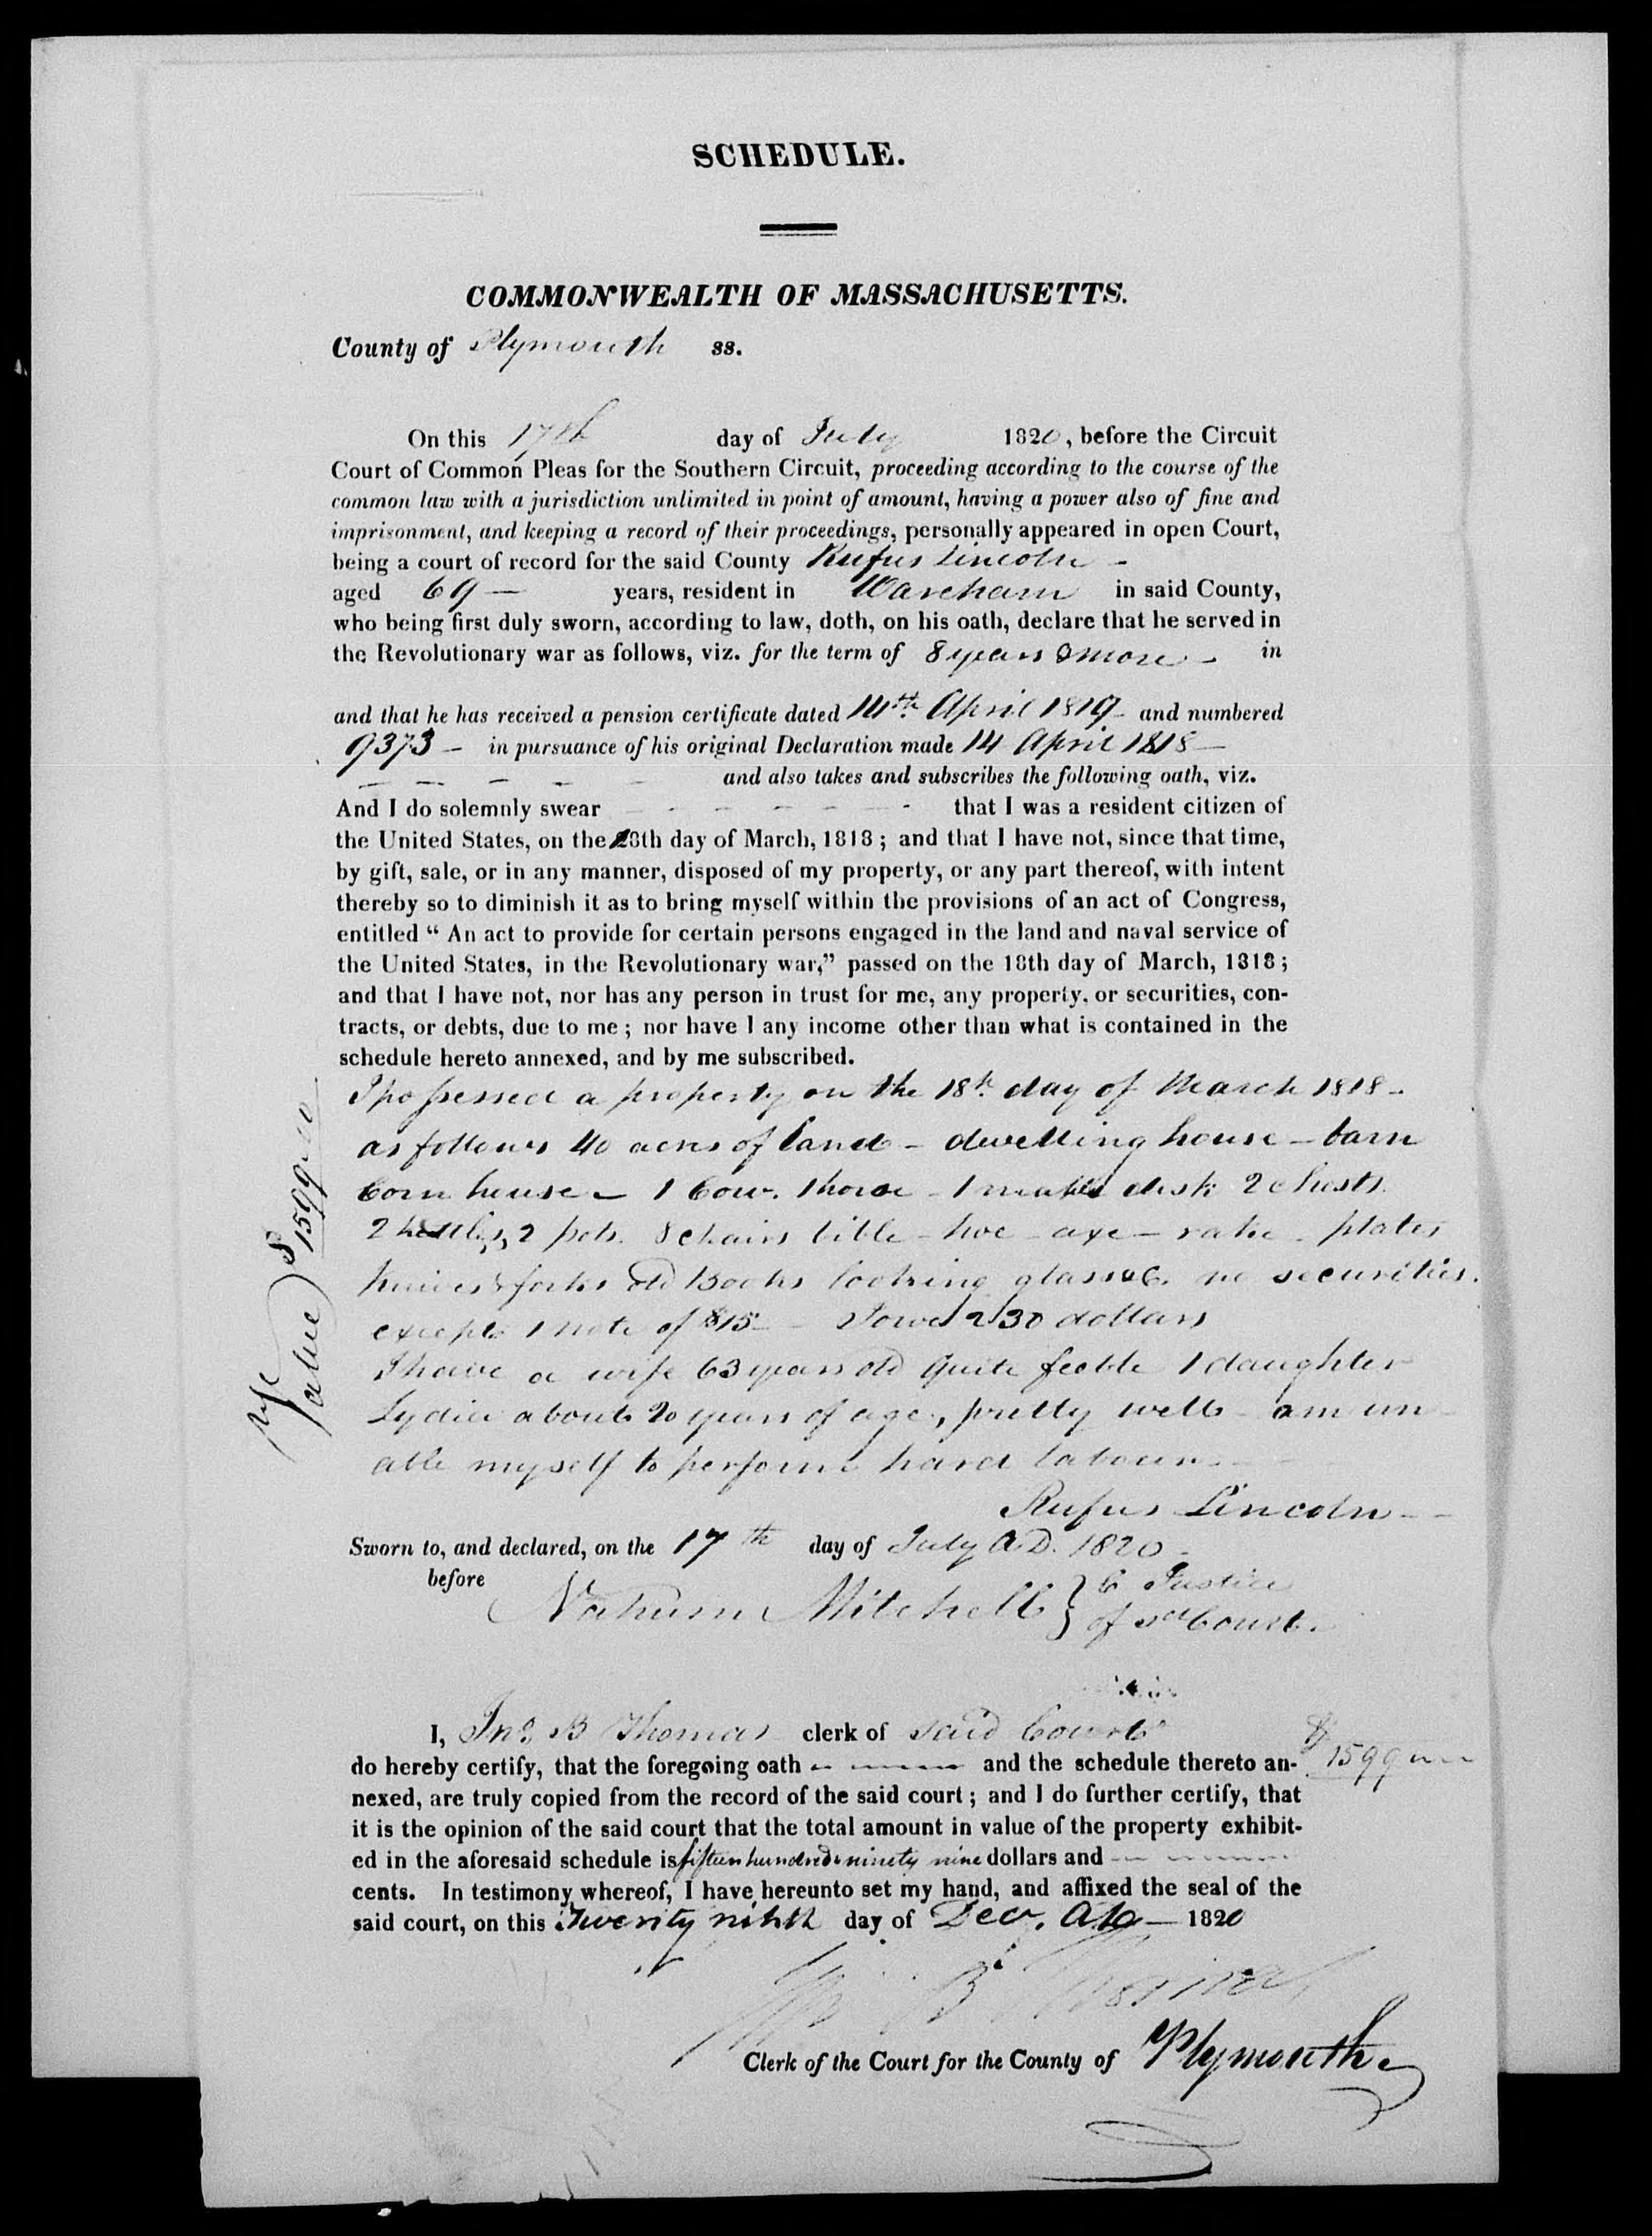SCHEDULE.
COMMONWEALTH OF MASSACHUSETTS.
County of Plymouth SS

On this 17th day of July 1820, before the Circuit Court of Common Pleas for the Southern Circuit, proceeding according to the course of the common law with a jurisdiction unlimited in point of amount, having a power also of fine and imprisonment, and keeping a record of their proceedings, personally appeared in open Court, being a court of record for the said County Rufus Lincoln aged
69 years, resident in Wareham in said County,
who being first duly sworn, according to law, doth, on his oath, declare that he served in
the Revolutionary war as follows, viz. for the term of 8 years & more in and that he has received a pension certificate dated  14th April 1819 and numbered 9373 - in pursuance of his original Declaration made 14 April 1818-
and also takes and subscribes the following oath, viz. And I do solemnly swear that I was a resident citizen of he United States, on the 18th day of March, 1818; and that I have not, since that time, by gift, sale, or in any manner, disposed of my property, or any part thereof, with intent thereby so to diminish it as to bring myself within the provisions of an act of Congress, entitled "An act to provide for certain persons engaged in the land and naval service of the United States, in the Revolutionary war,” passed on the 18th day of March, 1818; and that I have not, nor has any person in trust for me, any property, or securities, contracts, or debts, due to me; nor have I any income other than what is contained in the schedule hereto annexed, and by me subscribed.
I possessed a property on the 18th day of March 1818--
as follows 40 acres of land -  dwelling house, barn- Corn house- 1 Cow, 1 horse- 1 maple  desk 2 chests. 2 kettles, 2 pots, 8 chairs bible - hoe- axe- rake - plates - knives & forks old Books- looking glasses, no securities, except 1 note of $15- I owed 230 dollars. I have a wife 63 years old quite feeble 1 daughter Lydia about 20 years of age, pretty well - I am unable myself to perform hard labour- - -
Rufus Lincoln
Sworn to and declared the 17th day of July A.D. 1820, before
Nahum Mitchell} C. Justice of s'd court

I Jno B Thomas Clerk of said Court
do hereby certify, that the foregoing oath and the schedule thereto annexed, are truly copied from the record of the said court; and I do further certify, that it is the opinion of the said court that the total amount in value of the property exhibited in the aforesaid schedule is fifteen hundred & ninety nine dollars and __
cents. In testimony whereof, I have hereunto set my hand and affixed the seal of the
said court, on this Twenty ninth day of Dec. A.D. 1820.
Jno B. Thomas
Clerk of the Court for the County of Plymouth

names: Nahum Mitchell; Rufus Lincoln; Jno B Thomas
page: 9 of 82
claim: widow's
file: W. 13,634, for Rufus Lincoln, Massachusetts